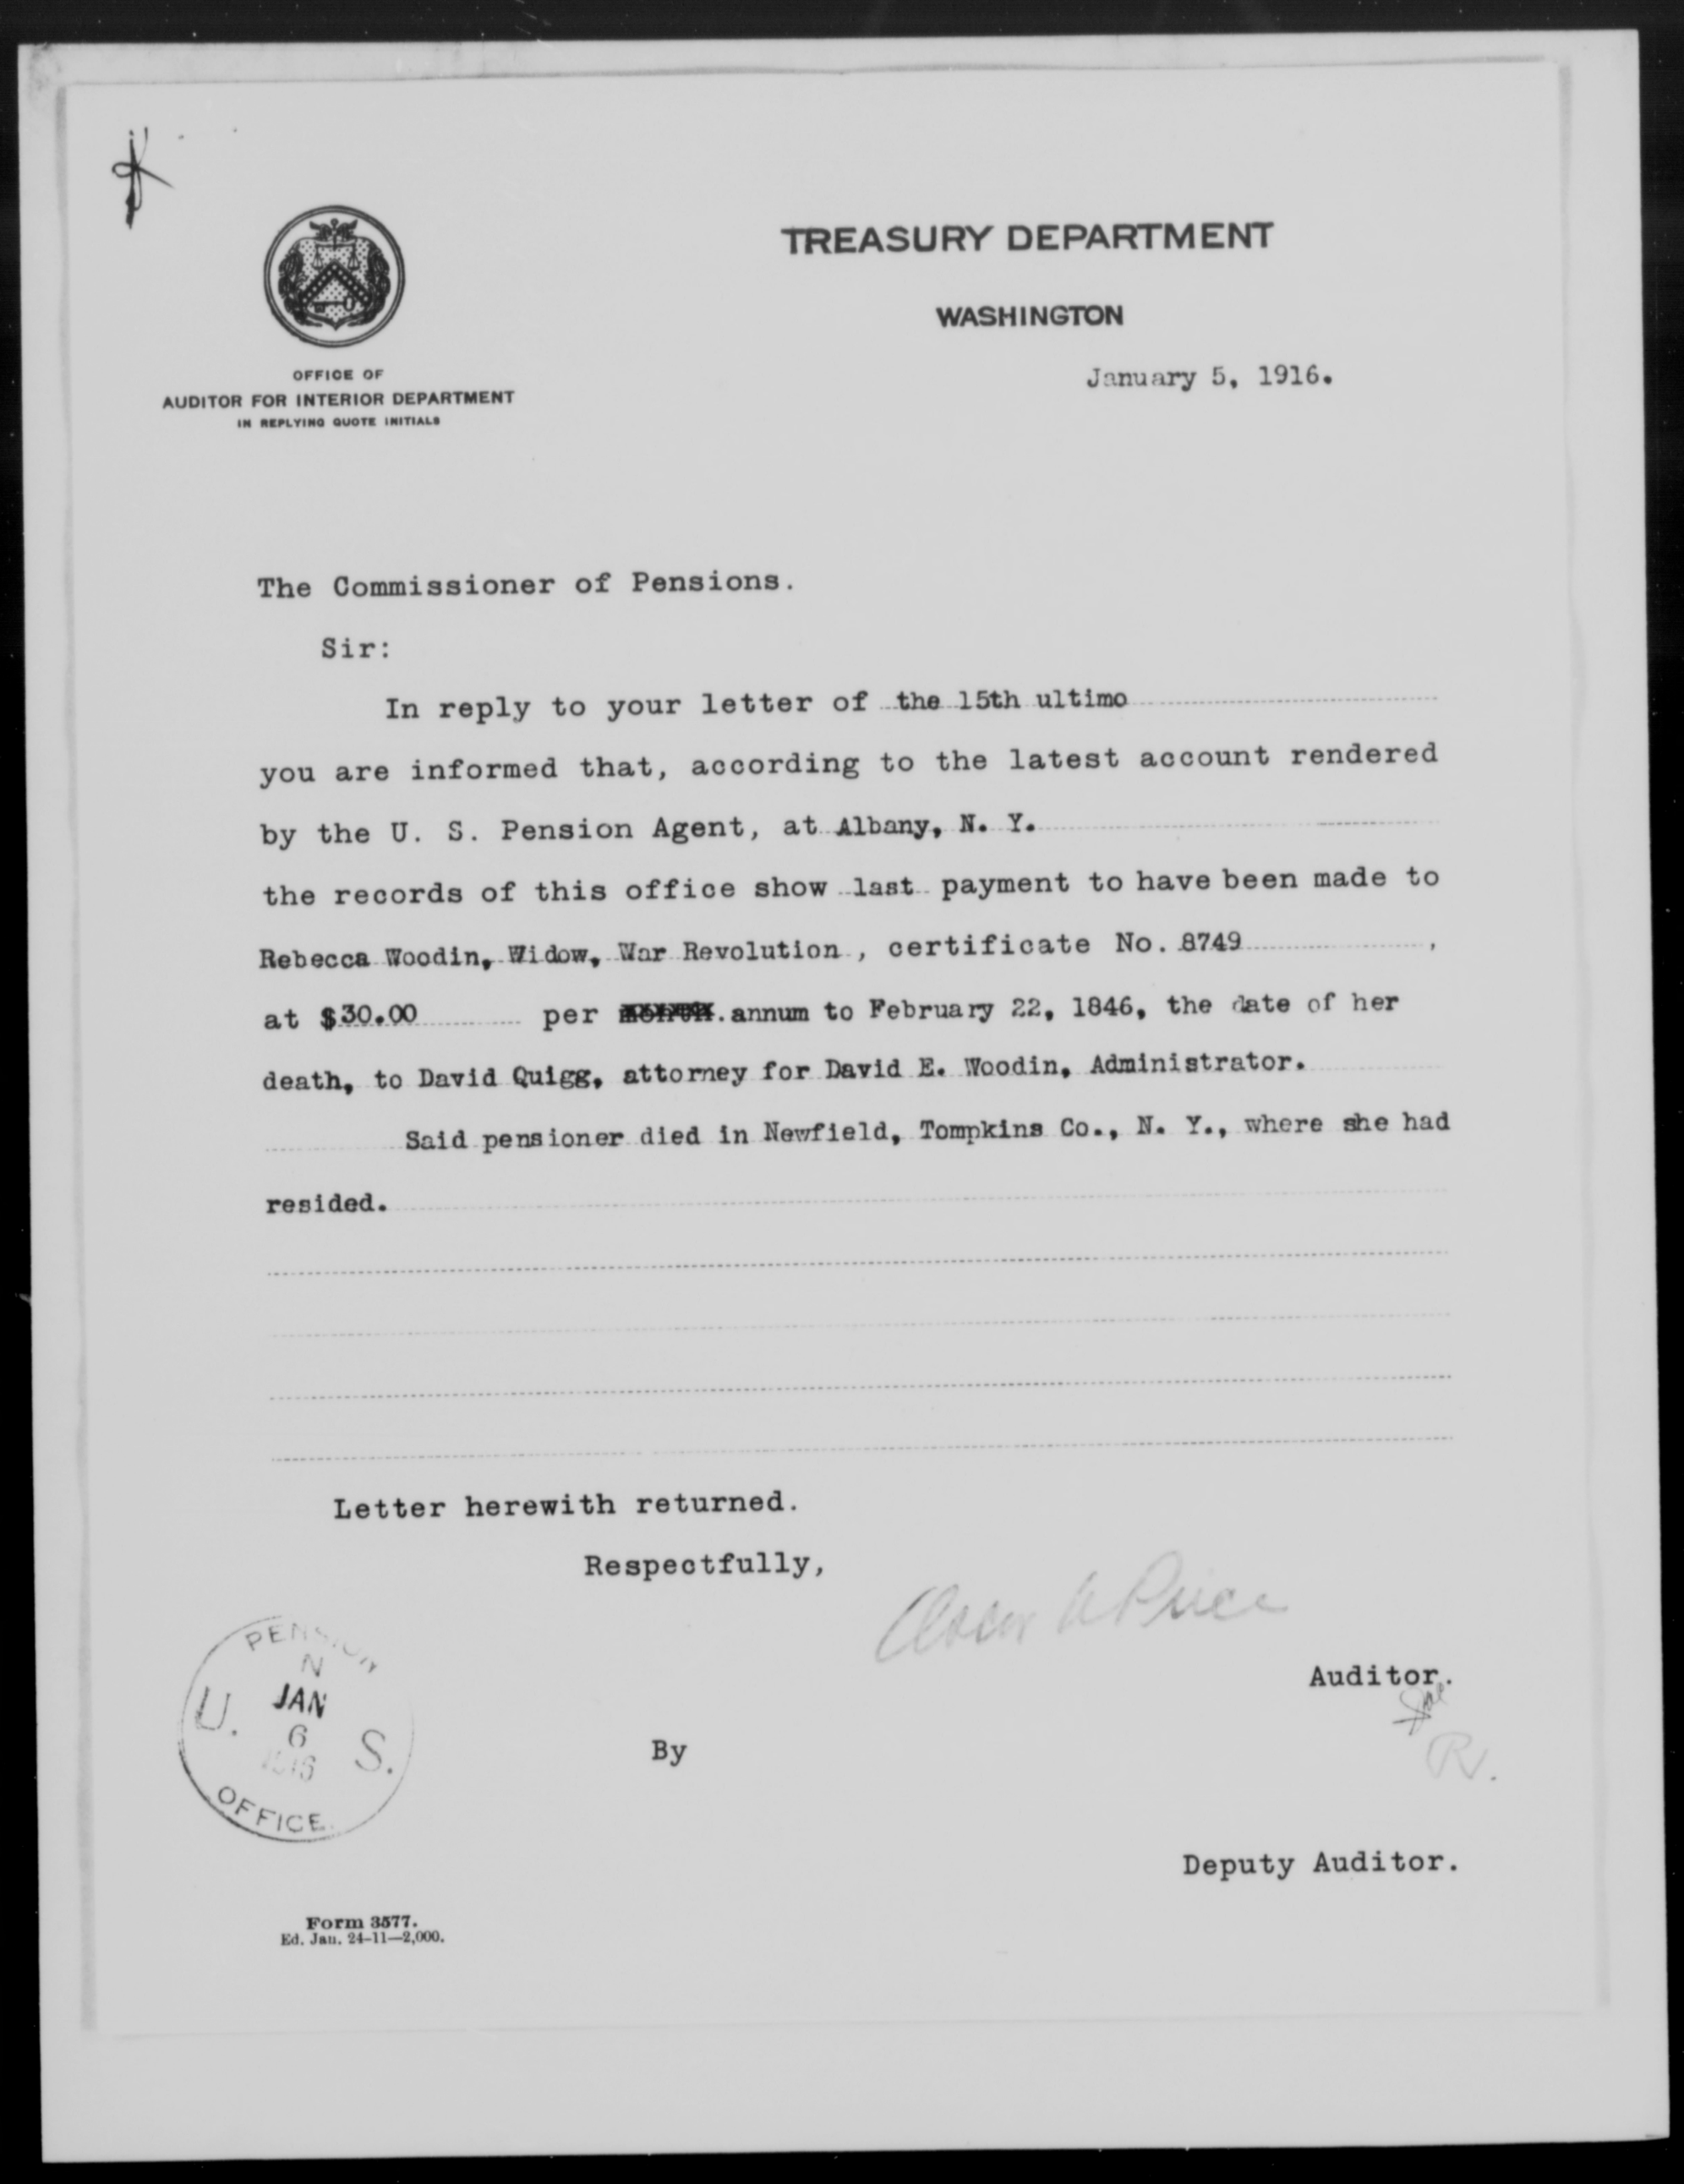OFFICE OF AUDITOR FOR INTERIOR DEPARTMENT IN REPLYING QUOTE INITIALS 
TREASURY DEPARTMENT Washington
January 5, 1916.
The Commissioner of Pensions. 
Sir: 
In reply to your letter of the 15th ultimo you are informed that, according to the latest account rendered by the U. S. Pension Agent, at Albany, N. Y. the records of this office show last payment to have been made to Rebecca Woodin, Widow, War Revolution, certificate No. 8749 at $30.00 per annum to February 22, 1846, the date of her death, to David Quigg, attorney for David E. Woodin, Administrator.
Said pensioner died in Newfield, Tompkins Co., N. Y., where she had resided. 
Letter herewith returned. 
Respectfully, Oscar A Price 
Auditor.
By
Deputy Auditor.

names: David Quigg, David E Woodin, Rebecca Woodin, Oscar A Price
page: 46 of 77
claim: widow's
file: W. 19658, John Woodin, New York